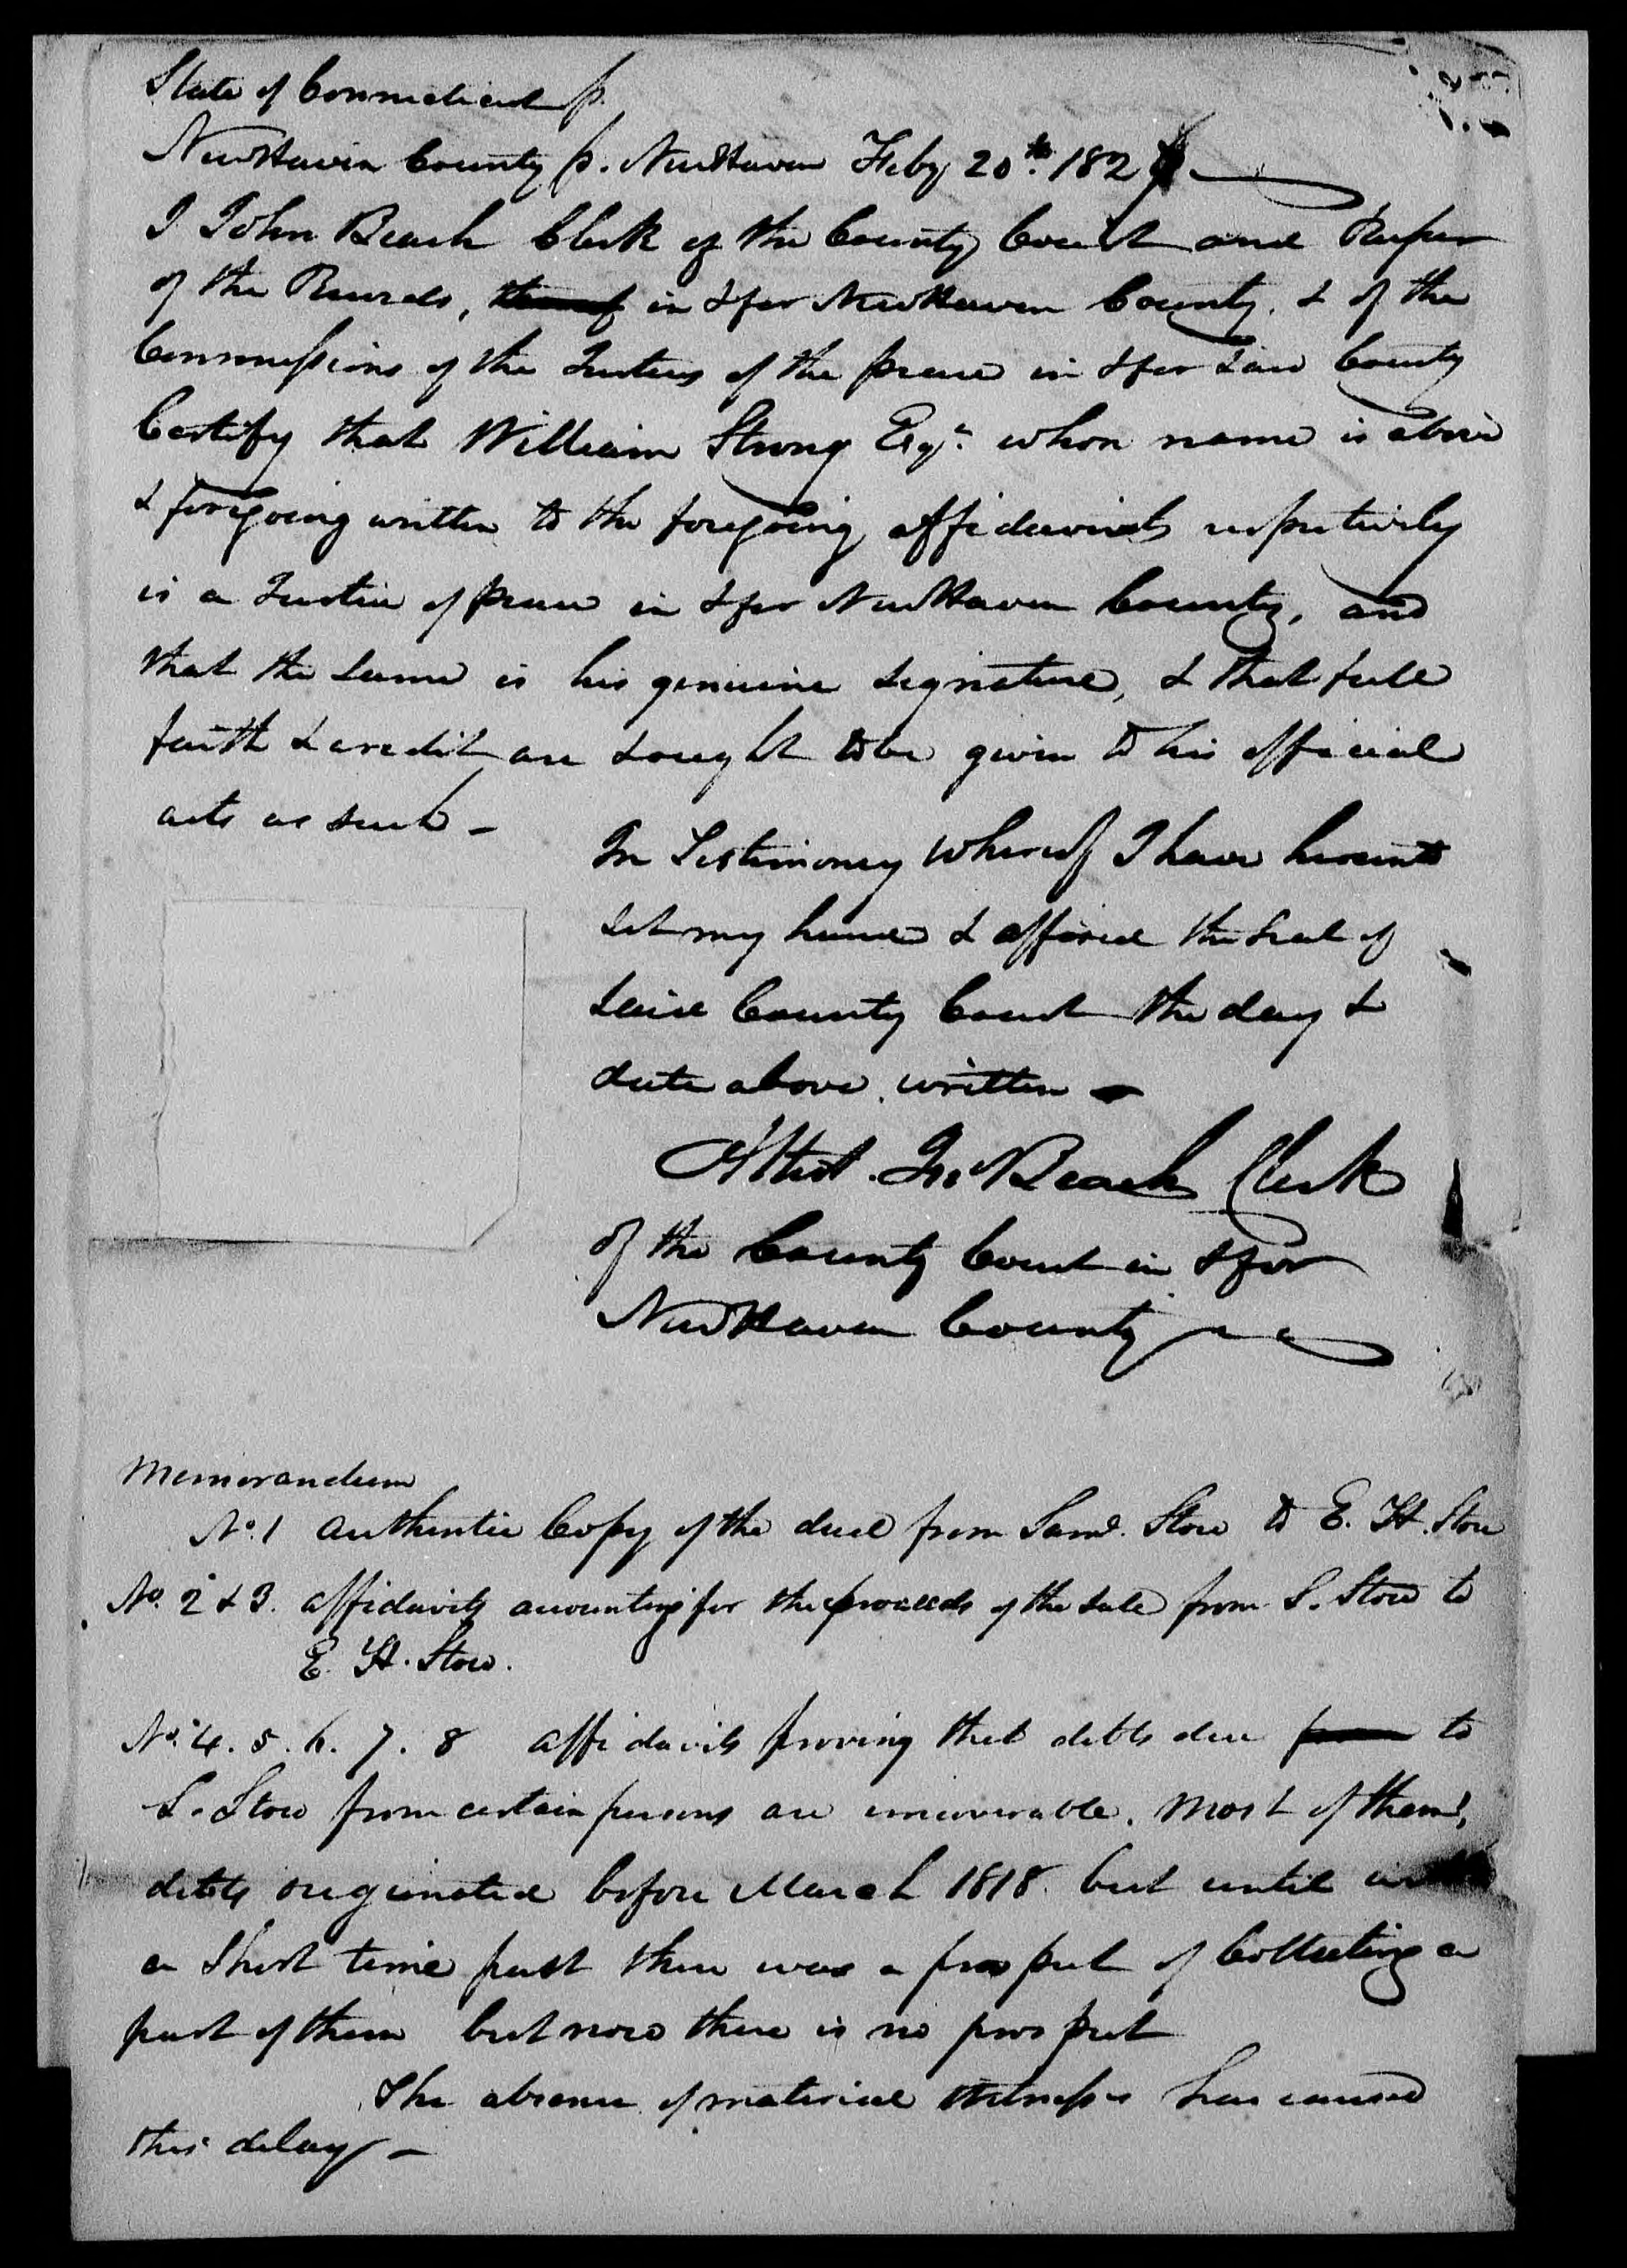State of Connecticut } ss:
New Haven County} ss: New Haven Feby 20th 1827
I John Beach Clerk of the County Court and Keeper of the Records, in & for New Haven County & of the Commissions of the Justices of the peace in & for said County, Certify that William Strong Esqr whose name is above &
foregoing written to the foregoing affidavits respectively, is a Justice of Peace in & for New Haven County, and that the same is his genuine signature, & that full faith & credit are & ought to be given to his official acts as such-

In Testimony whereof I have hereunto
set my hand & affixed the Seal of
said County Court the day &
date above written
Attest: Jno. Beach Clerk
of the County Court in & for
New Haven County

Memorandum

No. 1 - Authentic copy of the deed from Sam'l Stow to E. H. Stow
No. 2 & 3 - Affidavits accounting for the proceeds of the sale from S. Stow to
E. H. Stow
No. 4.5.6.7.8 - Affidavits proving the debts due to S. Stow from certain persons are unrecoverable, most of these debts originated before March 1818, but until within a short time past, there was a prospect of collecting a
part of them, but now there is no prospect.
The absence of material witnesses has caused
this delay-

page: 29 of 42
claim: survivor's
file: S. 36,819, for Samuel Stow, Connecticut